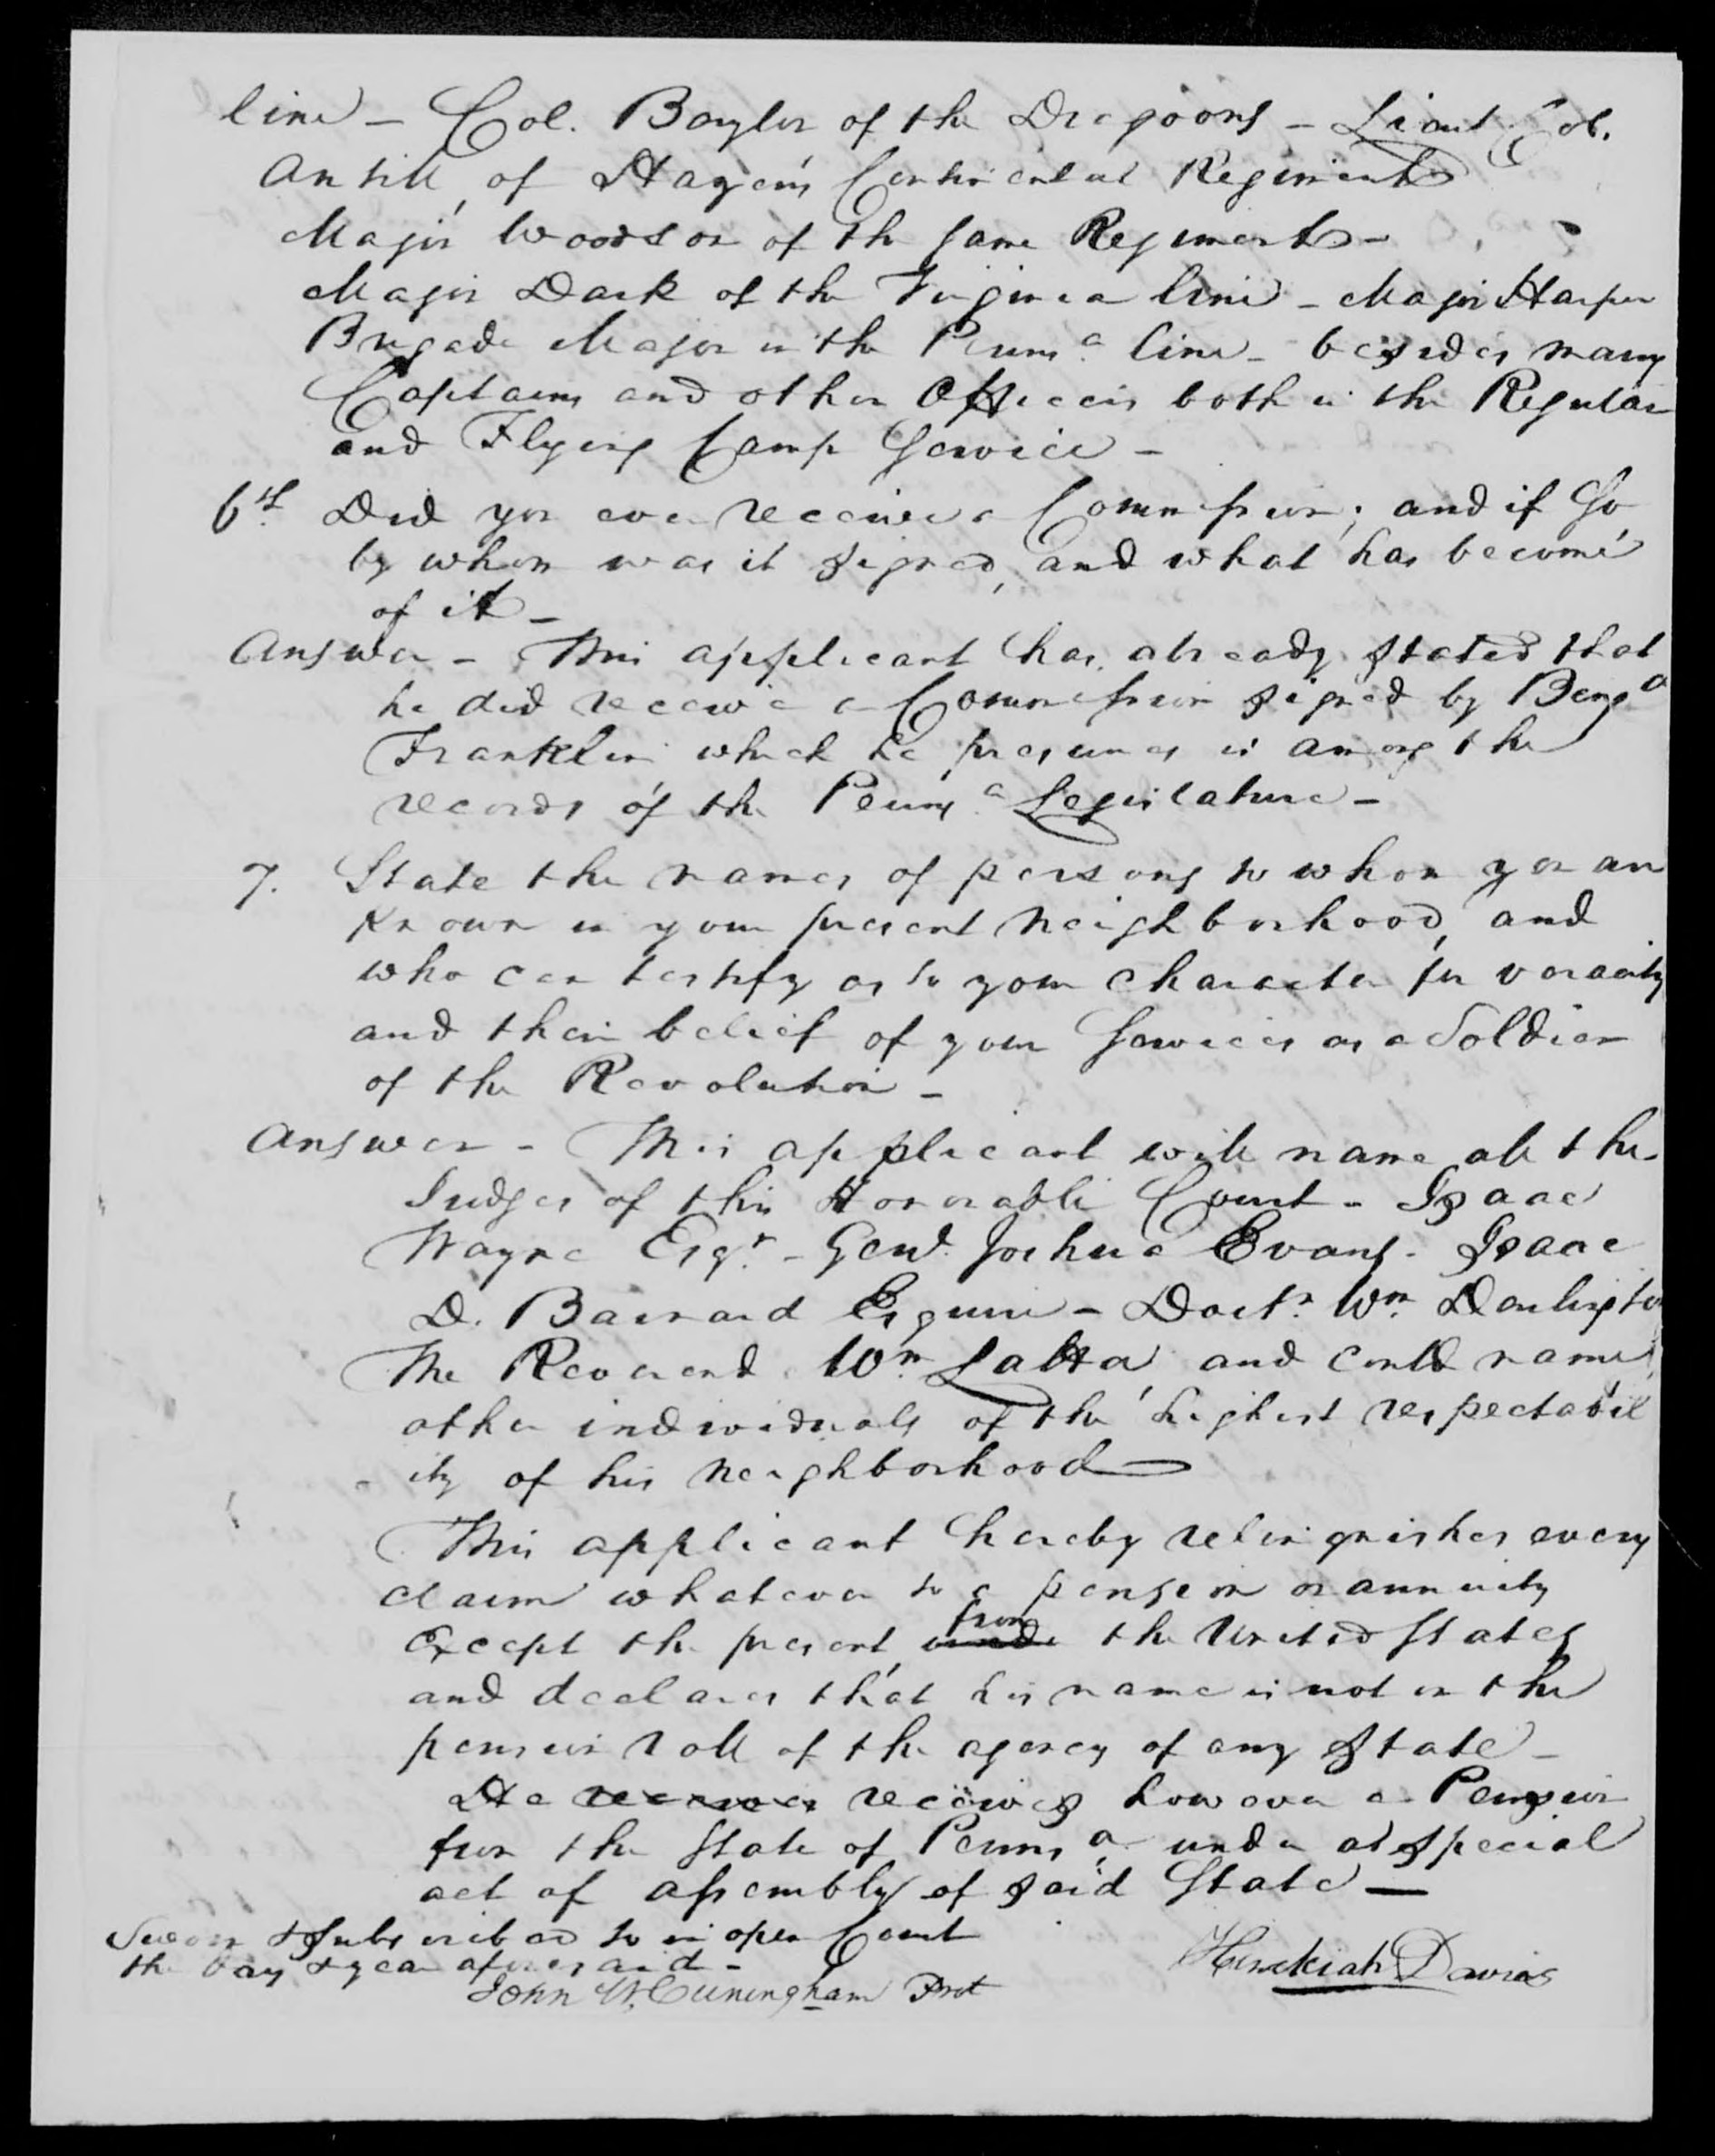line - Col Bayler of the Dragoons -  Lieut Col
Anhil of Hagen's Continental Regiment
Major Woodson of the same Regiments -
Major Dark of the Virginia line. Major Harper
Brigade Major in the Pennsa. [Pennsylvania] line - besides many
Captains and other Officers both in the Regular
and Flying Camp service-
6th. Did you ever receive Commission; and if so
by whom was it signed and what has become
of it-
Answer. This applicant has already stated that
he did receive a Commission signed by Benja
Franklin which he presumes is among the
records of the Pennsa. [Pennsylvania] Legislature-
7.
State the names of persons to whom you are
known in your present neighborhood, and
who can testify as to your character for veracity
and their belief of your services as a Soldier
of the Revolution
Answer. This applicant will name at the
Judges of this Honorable Court. Isaac
Wayne Esqr - Genl Joshua Evans.  Isaac
D. Barnard Esquire - Docts. Wm Darlington
The Reverend Wm Latta and could name
other individuals of the highest respectability of his neighborhood
This applicant hereby relinquishes every
claim whatever to a pension or annuity
Except the present from the United States
and declares that his name is not on the
pension roll of the agency of any State
receiving however a Pension for
the State of Pennsa. under a special
act of assembly of said State - 
Hezekiah Davies
Sworn & Subscribed to in open Court
the day & year aforesaid-
John W Cuningham Prot
Sworn & Subscribed to in open Court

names: John W Cuningham, Woodson, Isaac Wayne, Wm Latta, Joshua Evans, Baylor, Wm Darlington, Dark, Hezekiah Davies, Isaac D Barnard, Benja Franklin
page: 6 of 57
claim: survivor's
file: S. 2161, Hezekiah Davies, Penn